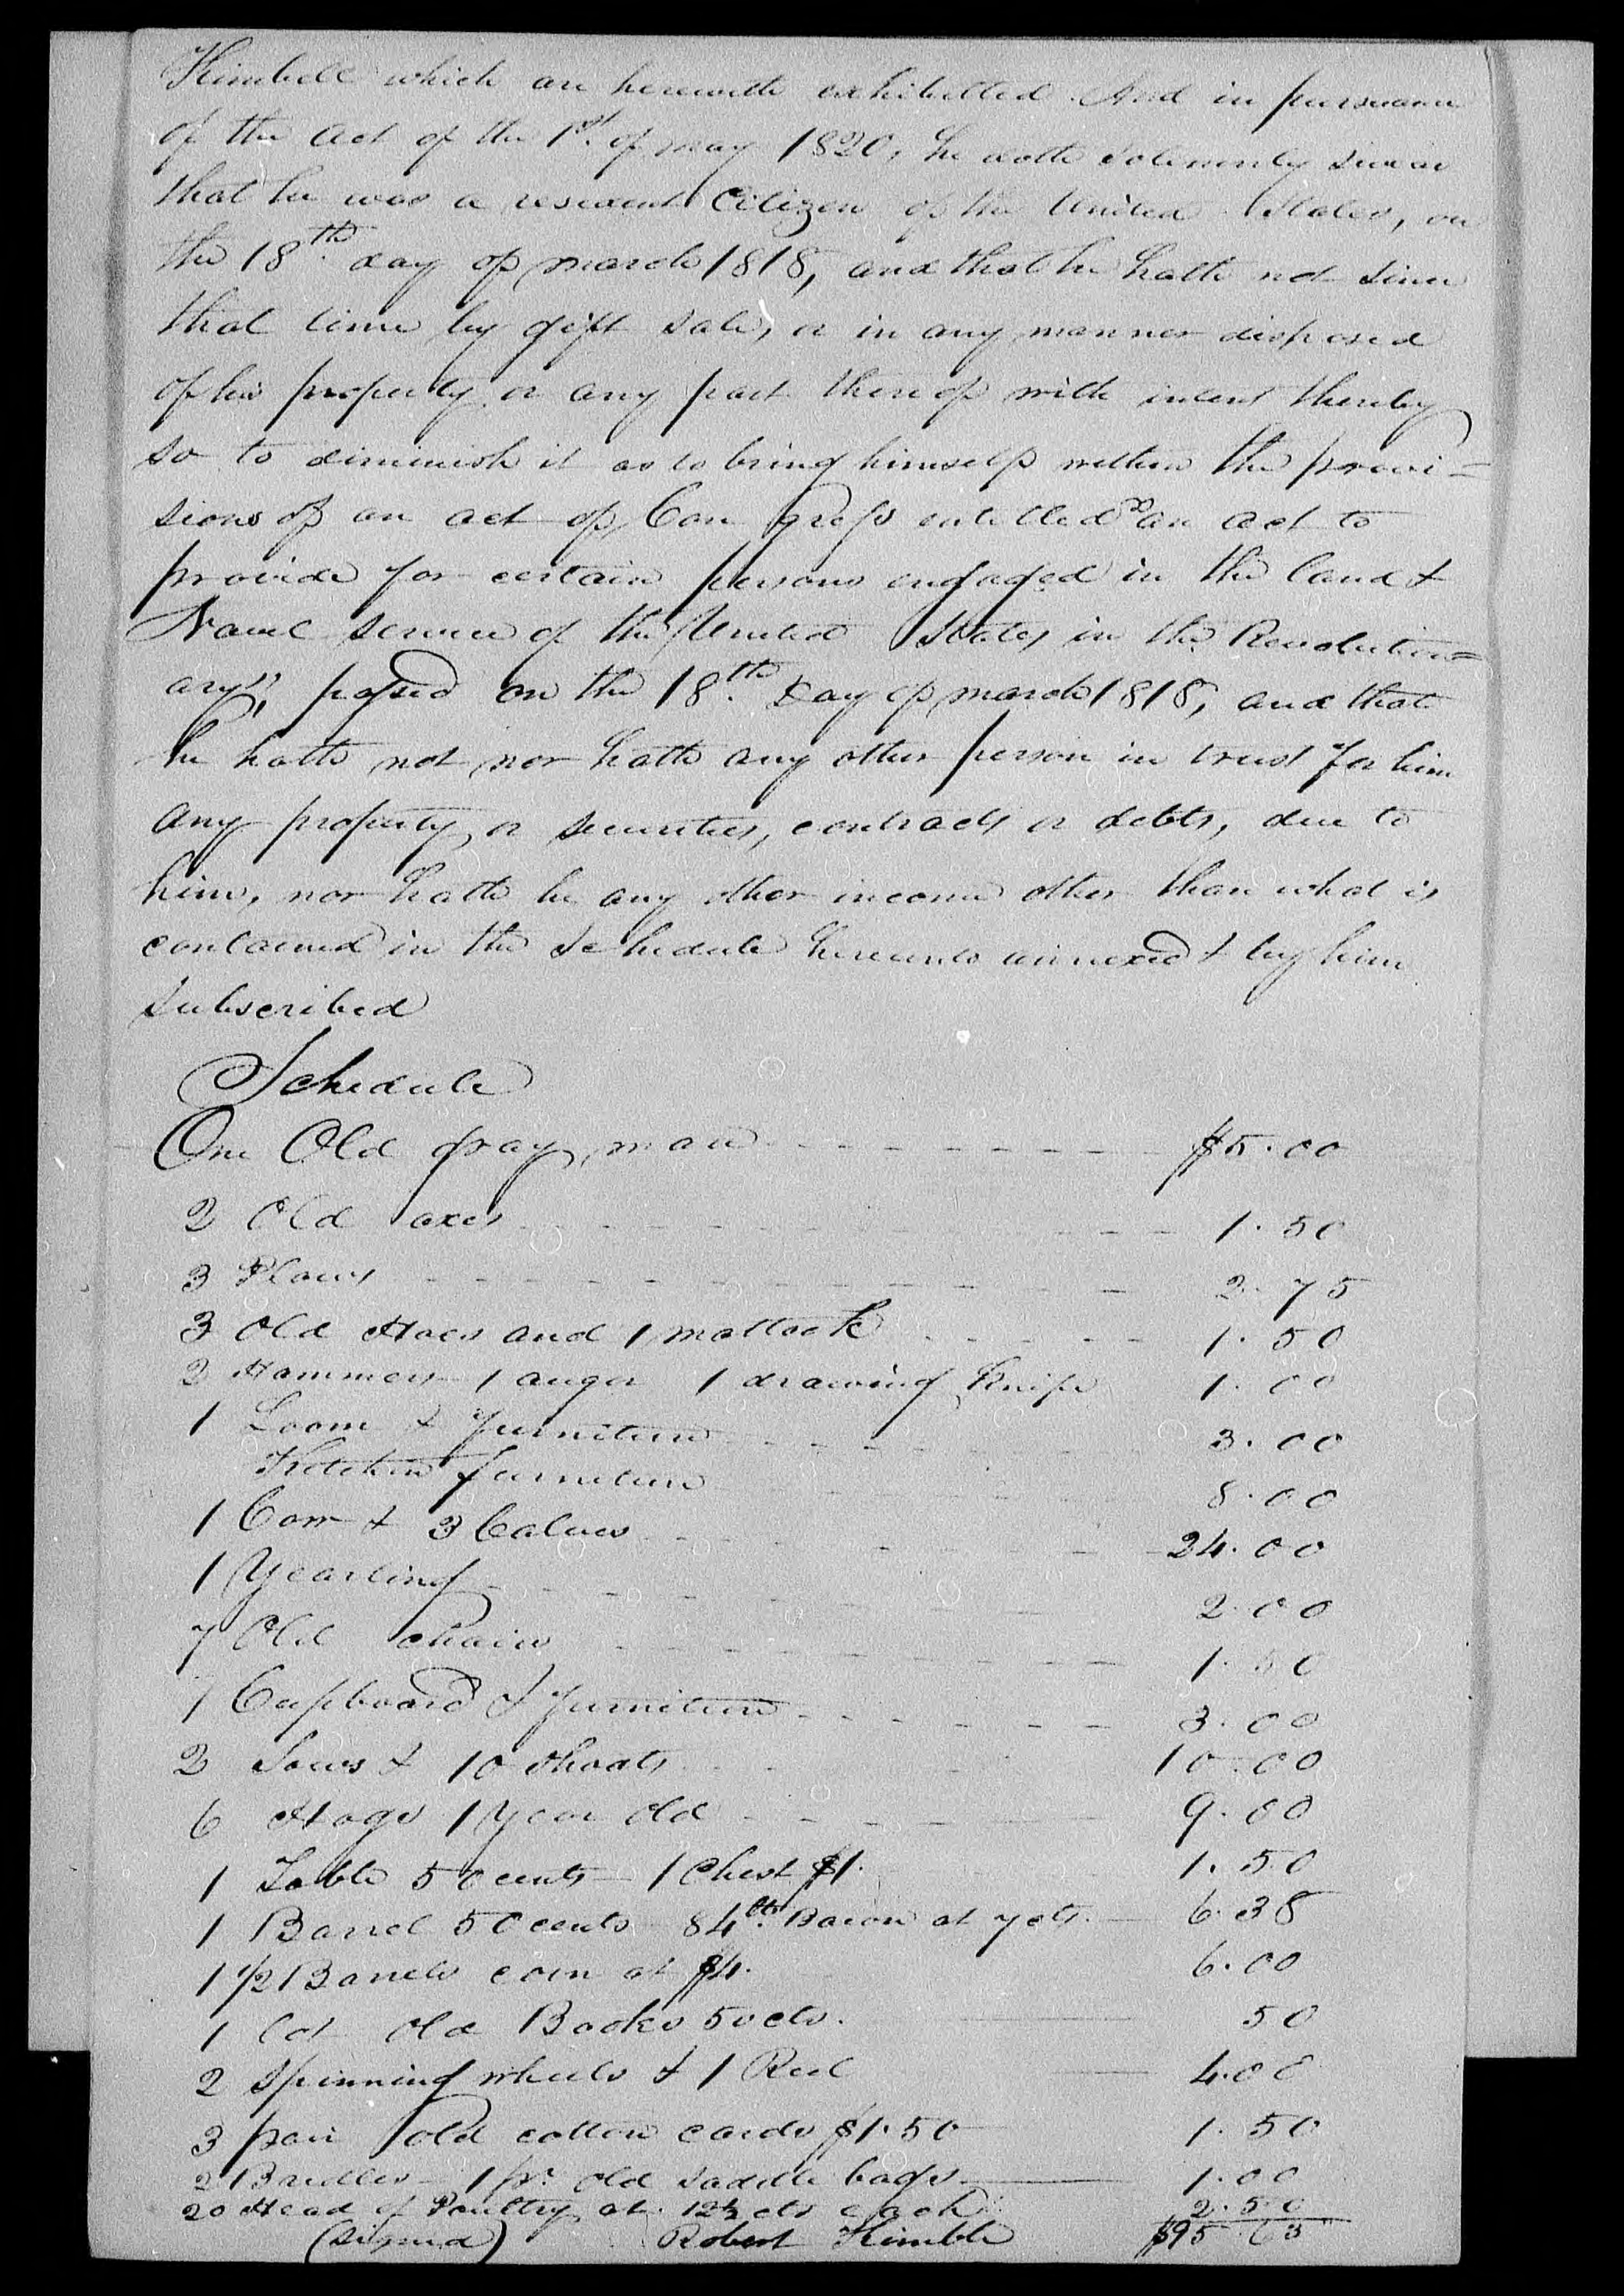Kimball which are herewith exhibited. And in pursuance of the Act of the 1st. of May 1820, he doth solemnly swear that he was a resident Citizen of the United States, on the 18th day of March 1818, and that he hath not since that time by gift sale, or in any manner disposed of his property or any part thereof with intent thereby so to diminish it as to bring himself within the provisions of an Act of Congress entitled an Act to provide for certain persons engaged in the land & Naval service of the United States in the Revolution", passed on the 18th Day of March 1818, and that he hath not nor hath any other person in trust for him any property, or securities, contracts or debts, due to him, nor hath he any other income other than what is contained in the Schedule hereunto annexed & by him subscribed
Schedule
One Old pay mare - $5.00
2 Old axes - 1.50
3 Plows - 2.75
3 Old Hoes and 1 mattock - 1.50
2 Hammers - 1 auger - 1 drawing knife - 1.00
1 Loom & furniture - 3.00
Kitchen furniture - 8.00
1 Cow & 3 Calves - 24.00
1 Yearling - 2.00
7 Old chains - 1.00
1 Cupboard & furniture - 3.00
2 Sows & 10 shoats - 10.00
6 Hogs 1 year old - 9.00
1 Table 5 cents 1 Chest $1 - 1.50
1 Barrel 5 Cents 84 lb. Bacon at 7 cts. - 6.35
1 1/2 Barrels corn at $4. - 6.00
1 lot Old Books 50 cts. - .50
2 Spinning wheels & 1 Reel - 4.00
3 pair old cotton cards $1.50 - 1.50
2 Barrels - 1 pr. Old Saddle bags - 1.00
20 Head of Poultry at 12 1/2 cts each - 2.50
(signed) Robert Kimble $95.63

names: [BLANK] Kimball; Robert Kimble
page: 8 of 9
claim: survivor's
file: S. 38896, for Robert Kimble, Virginia